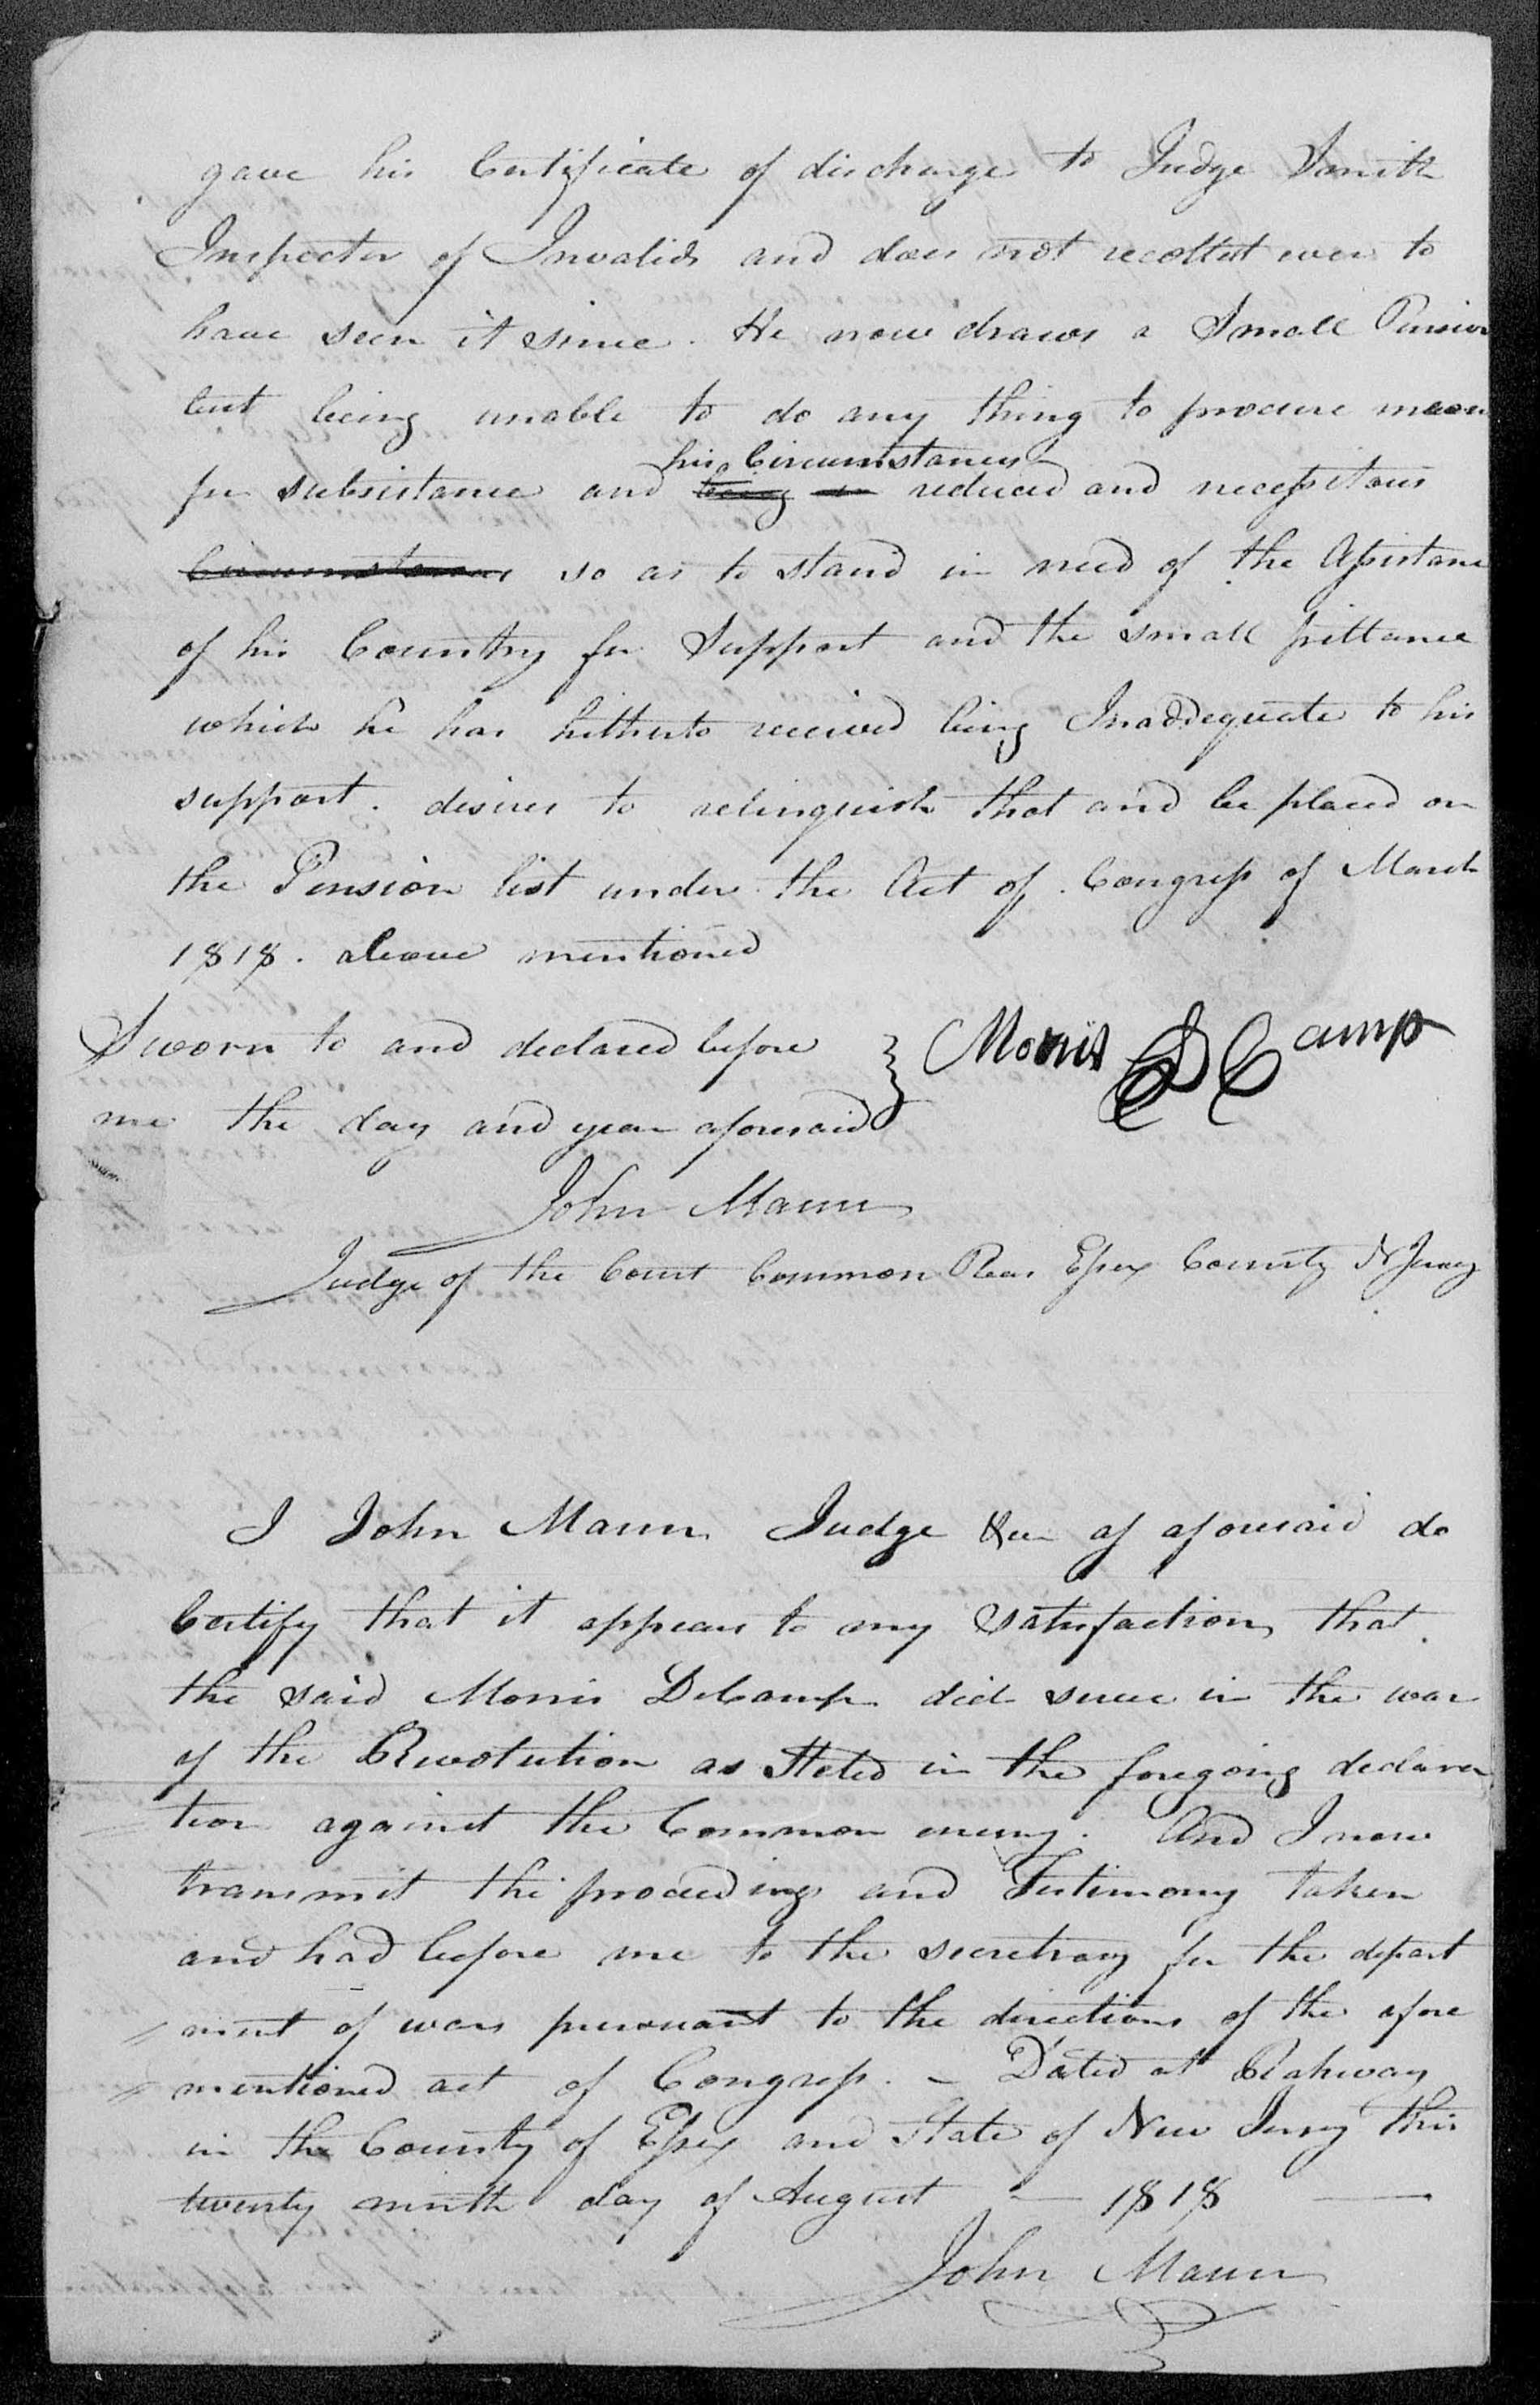gave his certificate of discharge to Judge Smith Inspector of Invalids and does not recollect ever to have seen it since. He now draws a small pension but being unable to do any thing to procure means for subsistence and his circumstances reduced and necessitous so as to stand in need of the assistance of the Country for Support and in the small pittance which he has hitherto received being inadequate to his support desires to relinquish that and be placed on the Pension list under the Act of Congress of March 1818 above-mentioned
Morris D Camp
Sworn to and declared before me the day and year aforesaid} John Mann Judge of the Court Common Pleas Essex County N Jersey

I John Mann Judge &c of aforesaid Certify that it appears to my satisfaction that the said Morris DeCamp did serve in the war of the Revolution as stated in the foregoing declaration against the Common enemy. and I now transmit the proceedings and Testimony taken and had before me to the secretary for the department of war pursuant to the direction of the aforementioned act of congress. - dates at Rahway in the County of Essex and State of New Jersey this twenty ninth day of August - 1818 -
 John Mann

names: Morris Decamp, Morris D Camp, John Mann, John Mann, John Mann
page: 7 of 52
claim: survivor's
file: S. 34172, Morris D Camp, Continental (New Jersey)